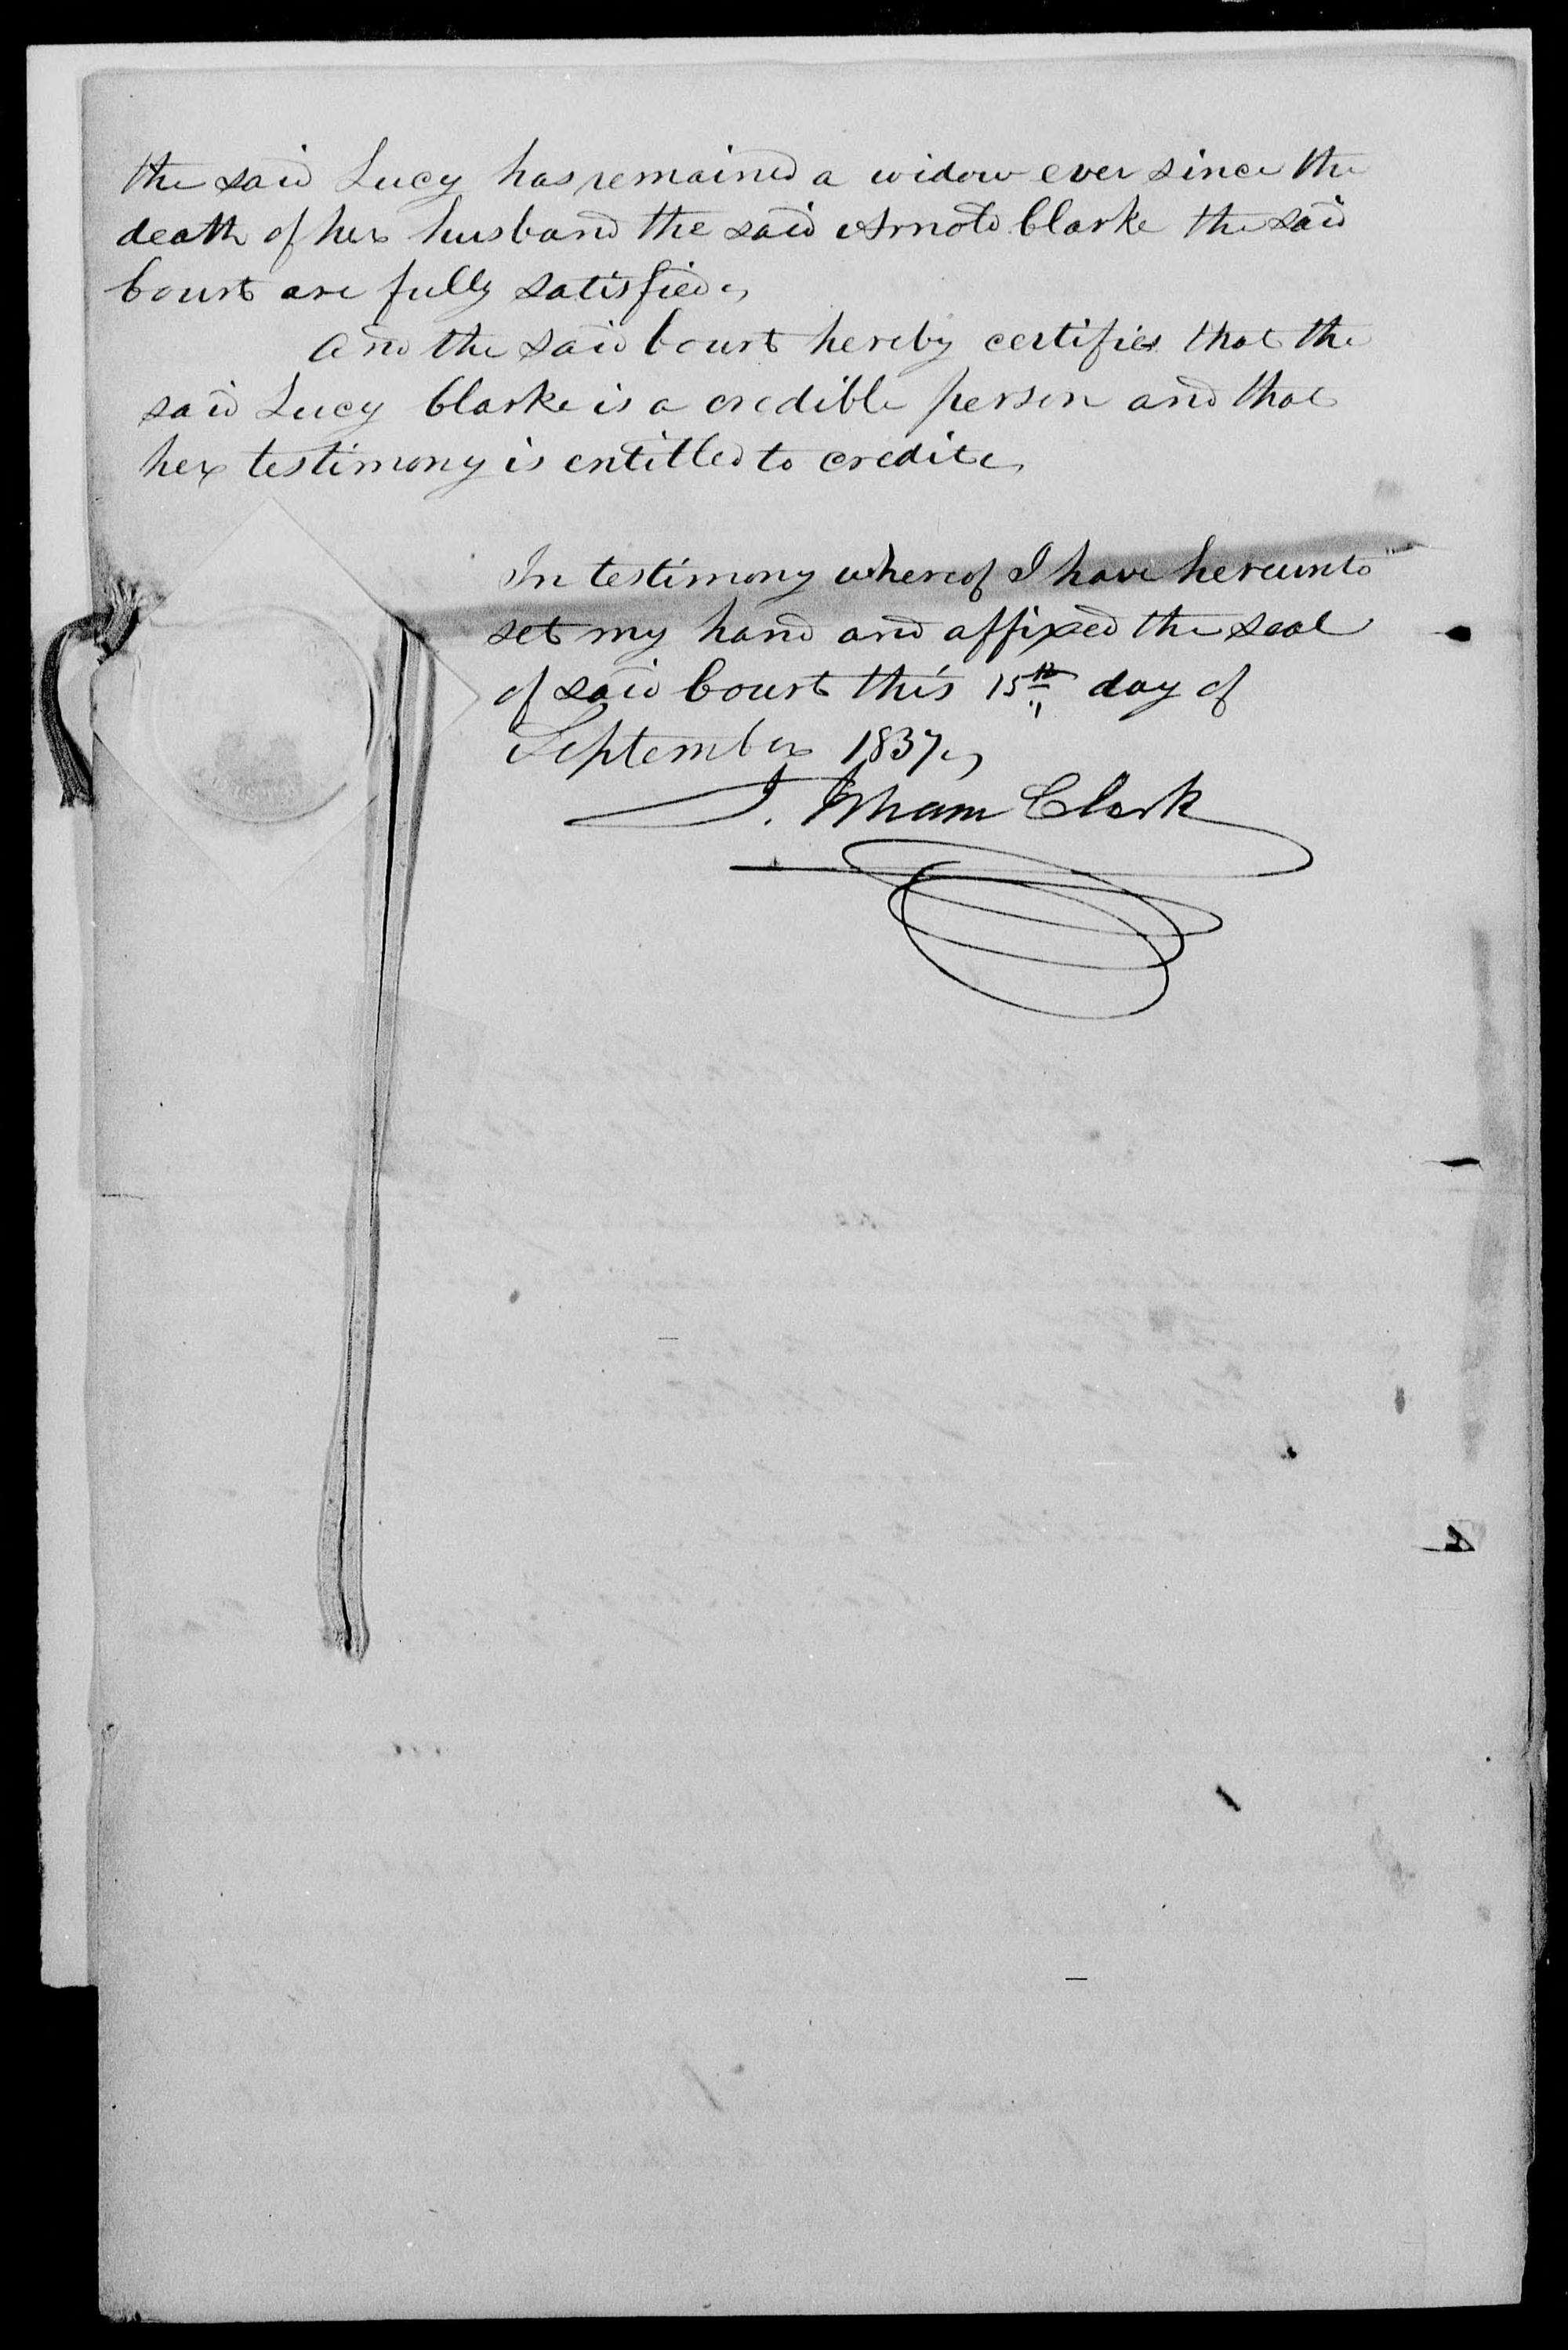the said Lucy has remained a widow ever since the death of her husband the said Arnold Clarke. The said Court are fully satisfied.
And the said Court hereby certifies that the said Lucy Clarke is a credible person and that her testimony is entitled to credit.
In testimony whereof I have hereunto set my hand and affixed the seal of said Court this 15th day of September 1837.
J. Joham Clerk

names: J Joham, Arnold Clarke, Lucy Clarke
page: 6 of 48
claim: widow's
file: W. 17,628, Arnold Clarke, R.I.